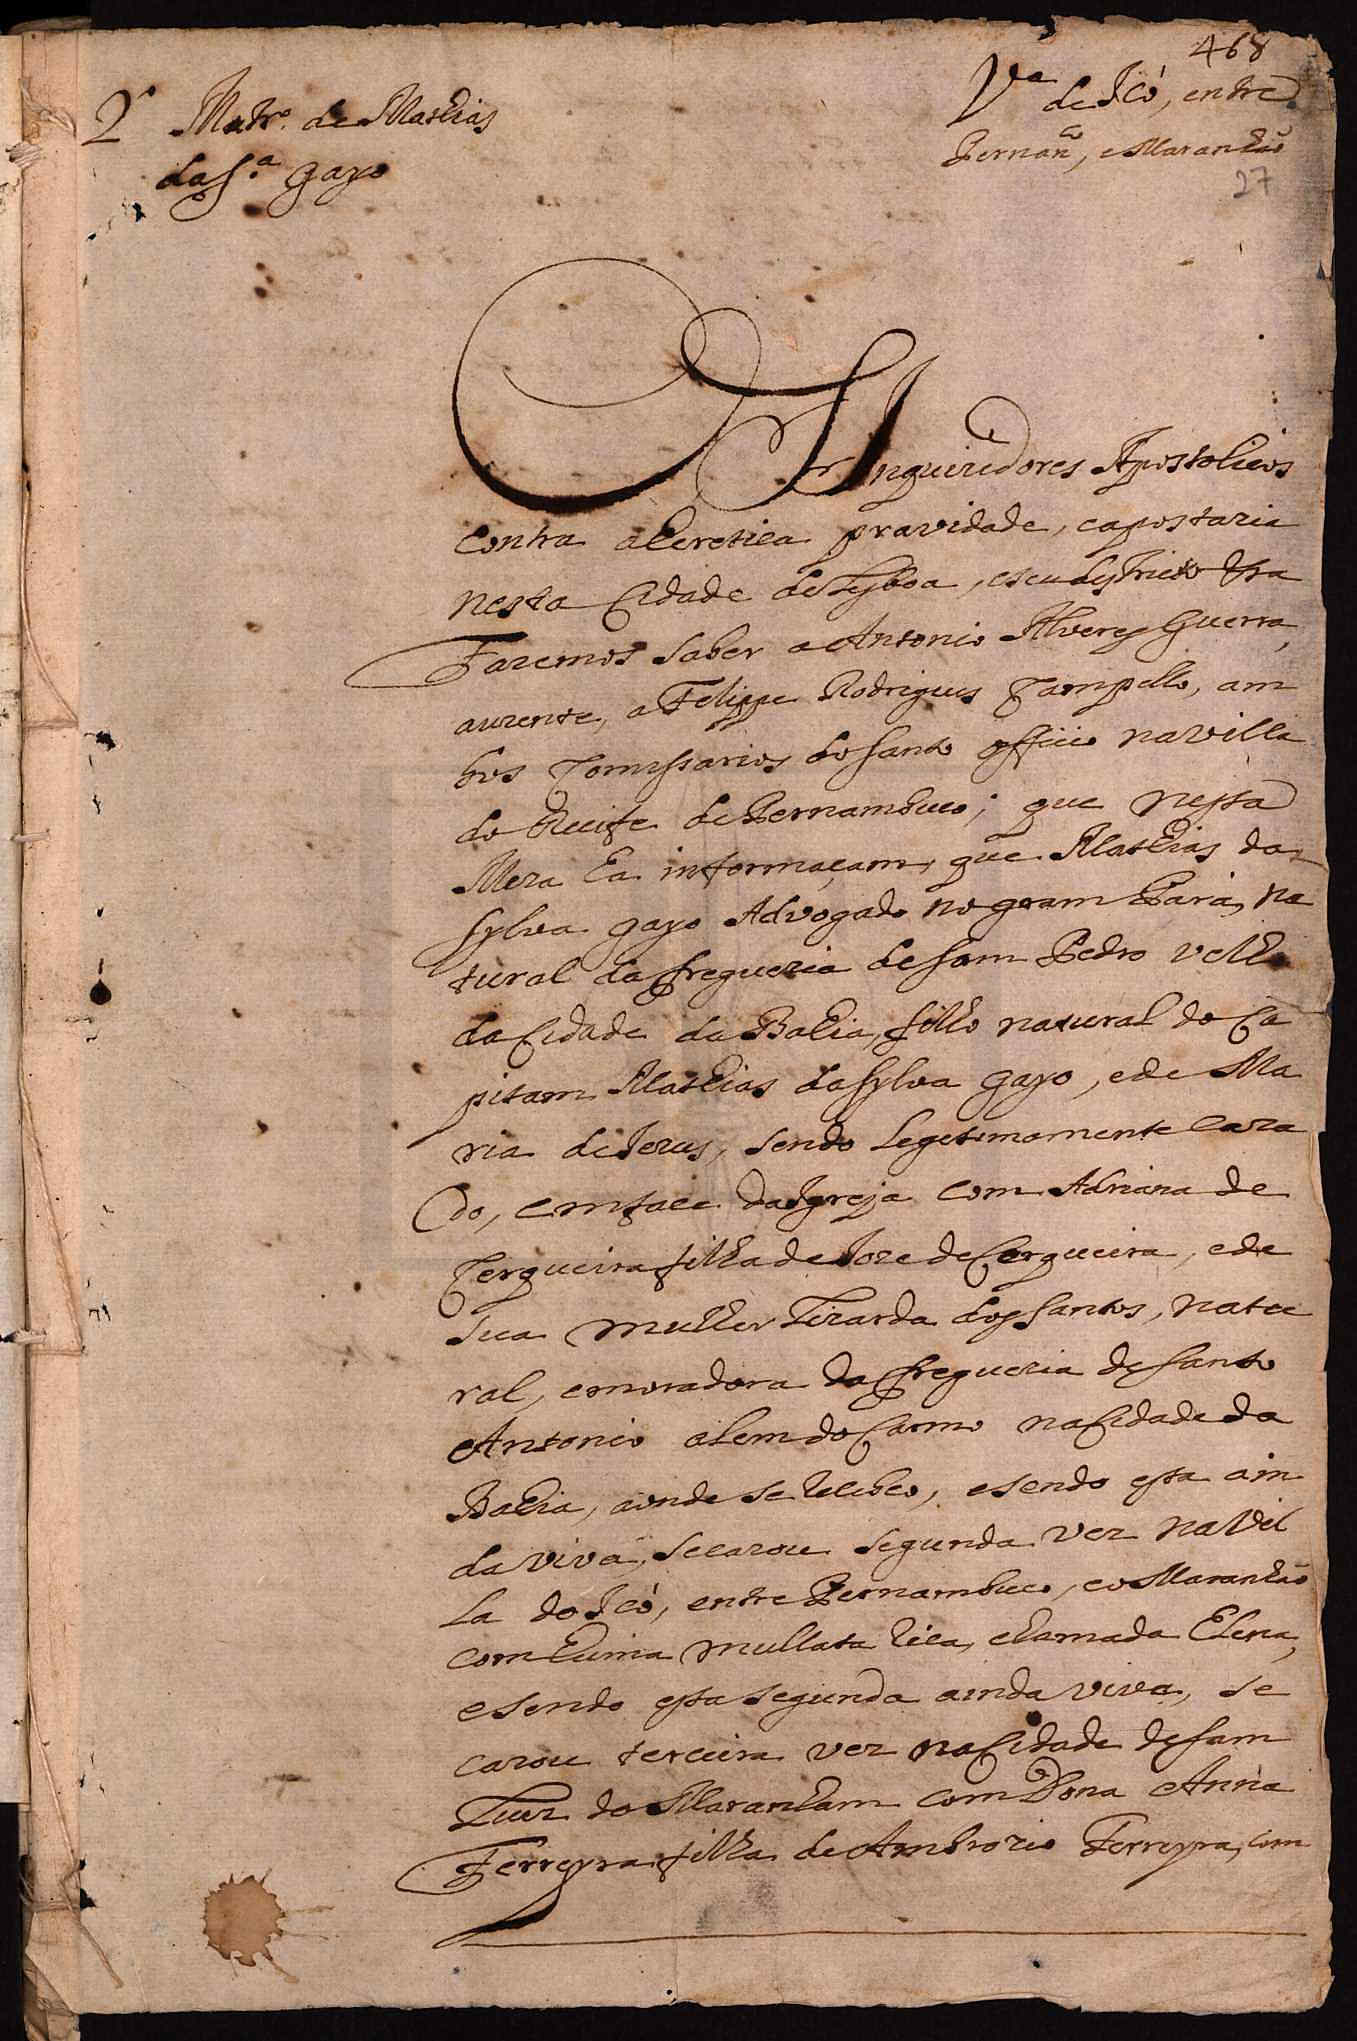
468
2o Matr.o de Mathias
da S.a gayo
V.a de Icó, entre
Pernanco, e Maranhaõ
Os Inquizidores Apostolicos
contra a heretica pravidade, e apostazia
nesta Cidade de Lisboa, e seu destricto &ra
Fazemos saber a Antonio Alveres Guerra,
auzente, a Felippe Rodrigues Campello, am
bos Comissarios do santo officio na villa
do Recife de Pernambuco; que nesta
Meza ha informaçam, que Mathias da
Sylva gayo Advogado no gram Pará, na
tural da freguezia de Sam Pedro velho
da Cidade da Bahia, filho natural do Ca
pitam Mathias da Sylva gayo, e de Ma
ria de Iezus, sendo Legitimamente caza
do, em face da Igreja com Adriana de
Cerqueira filha de Ioze de Cerqueira, e de
sua mulher Lizarda dos santos, natu
ral, e moradora da freguezia de santo
Antonio alem do Carmo na Cidade da
Bahia, aonde se Recebeo, e sendo esta ain
da viva, se cazou segunda vez na Vil
la do Icò, entre Pernambuco, e o Maranhaõ
com huma mullata Rica, chamada Elena
e sendo esta segunda ainda viva, se
cazou terceira vez na Cidade de sam
Luiz da Maranham com Dona Anna
Ferreyra filha de Ambrozio Ferreyra, com
